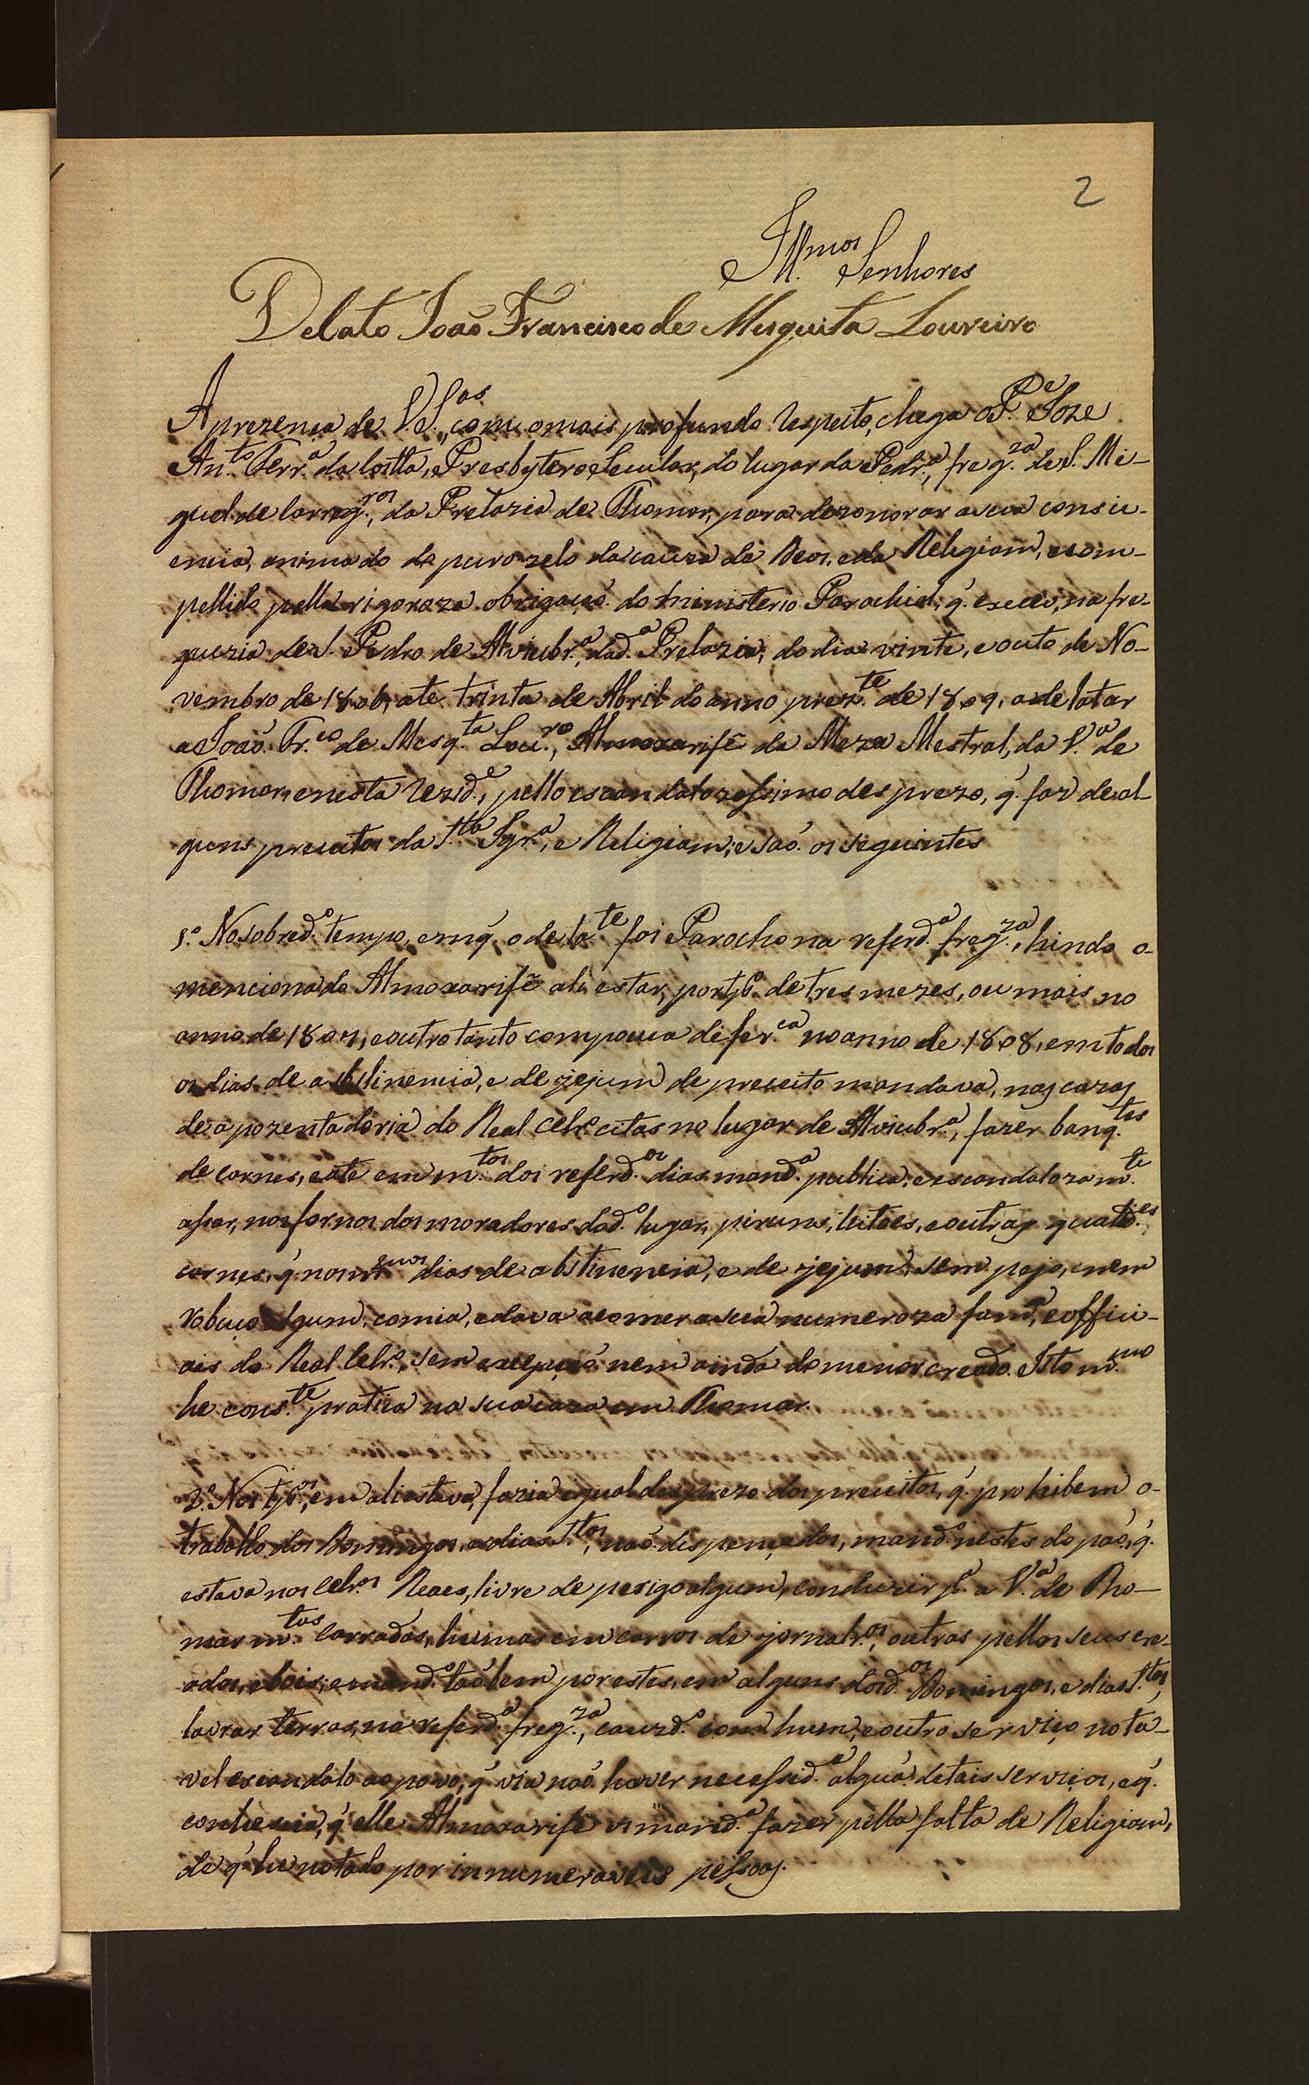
Ill.mos Senhores
Delato Ioaõ Francisco de Mesquita Loureiro
A prezença de V S.as, com o mais profundo Respeito, chega o P.e Ioze
An.to Ferr.a da Costta, Presbytero Secular, do lugar da Pedr.a, freg.za de S. Mi
guel de Correg.ros, da Prelazia de Thomar, para dezonorar a sua consci
encia, animado de puro zelo da cauza de Deos, e da Religiam, e com
pellido pella rigoroza obrigaçaõ do ministerio Parochial; q̄ execeo, na fre
guezia de S. Pedro de Alviubr.a da d.a Prelazia, do dia vinte, e outo de No
vembro de 1806, ate trinta de Abril do anno prez.te de 1809, a delatar
a Ioaõ Fr.co de Mesq.ta Lou.ro Almoxarifê da Meza Mestral, da V.a de
Thomar e nesta Rezid.e, pello escandalozessimo desprezo, q̄ faz de al
guns preceitos da S.ta Igr.a, e Religiam, e saõ os seguintes
1.o No sobred.o tempo, em q̄ o dela.te foi Parocho na referd.a freg.za, hindo o
mencionado Almoxarife ali estar, por tp.o de tres mezes, ou mais no
anno de 1807, e outro tanto com pouca difer.ça no anno de 1808, em todos
os dias de asbstinencia, e de jejum de preceito mandava, nas cazas
de apozentadoria do Real celr.o citas no lugar de Alviubr.a, fazer banq.tas
de carnes, e ate em m.tos dos referd.os dias mand.a publica; e escandalozam.te
assar, nos fornos dos moradores do d.o lugar, piruns, leitoes, e outras qualid.es
carnes, q̄ nos mmos dias de abstinencia, e de jejum sem pejo, e nem
robuço _lgum, comia, e dava a comer a sua numeroza fama, e offici
aes do Real Celr.o, sem excepçaõ nem ainda do menor creado. Isto m.mo
he cons.te pratica na sua caza em Thomar.
2.o Nos tp.os, em ali estava, fazia igual desprezo dos preceitos, q̄ prohibem o
trabalho dos Domingos, e dias S.tos, naõ dispençados, mand.o nestes do paõ, q̄
estava nos Celr.os Reaes, livre de perigo algum, conduzir pa. a V.a de Tho
mar m.tas carradas, humas em carros de jornalr.o, outras pellos seus cre
ados e bois; e mand.o taõbem por estes, em alguns dos d.os Domingos, e dias s.tos,
lavrar terras na referd.a freg.za, cauzd.o com hum, e outro serviço nota
vel escandalo ao povo, q̄ via naõ haver necessid.a alguā de tais serviços, e q̄
conhescia, q̄ elle Almoxarife os mand.a fazer pella falta de Religiam,
de q̄ he notado por innumeraveis pessoas.
